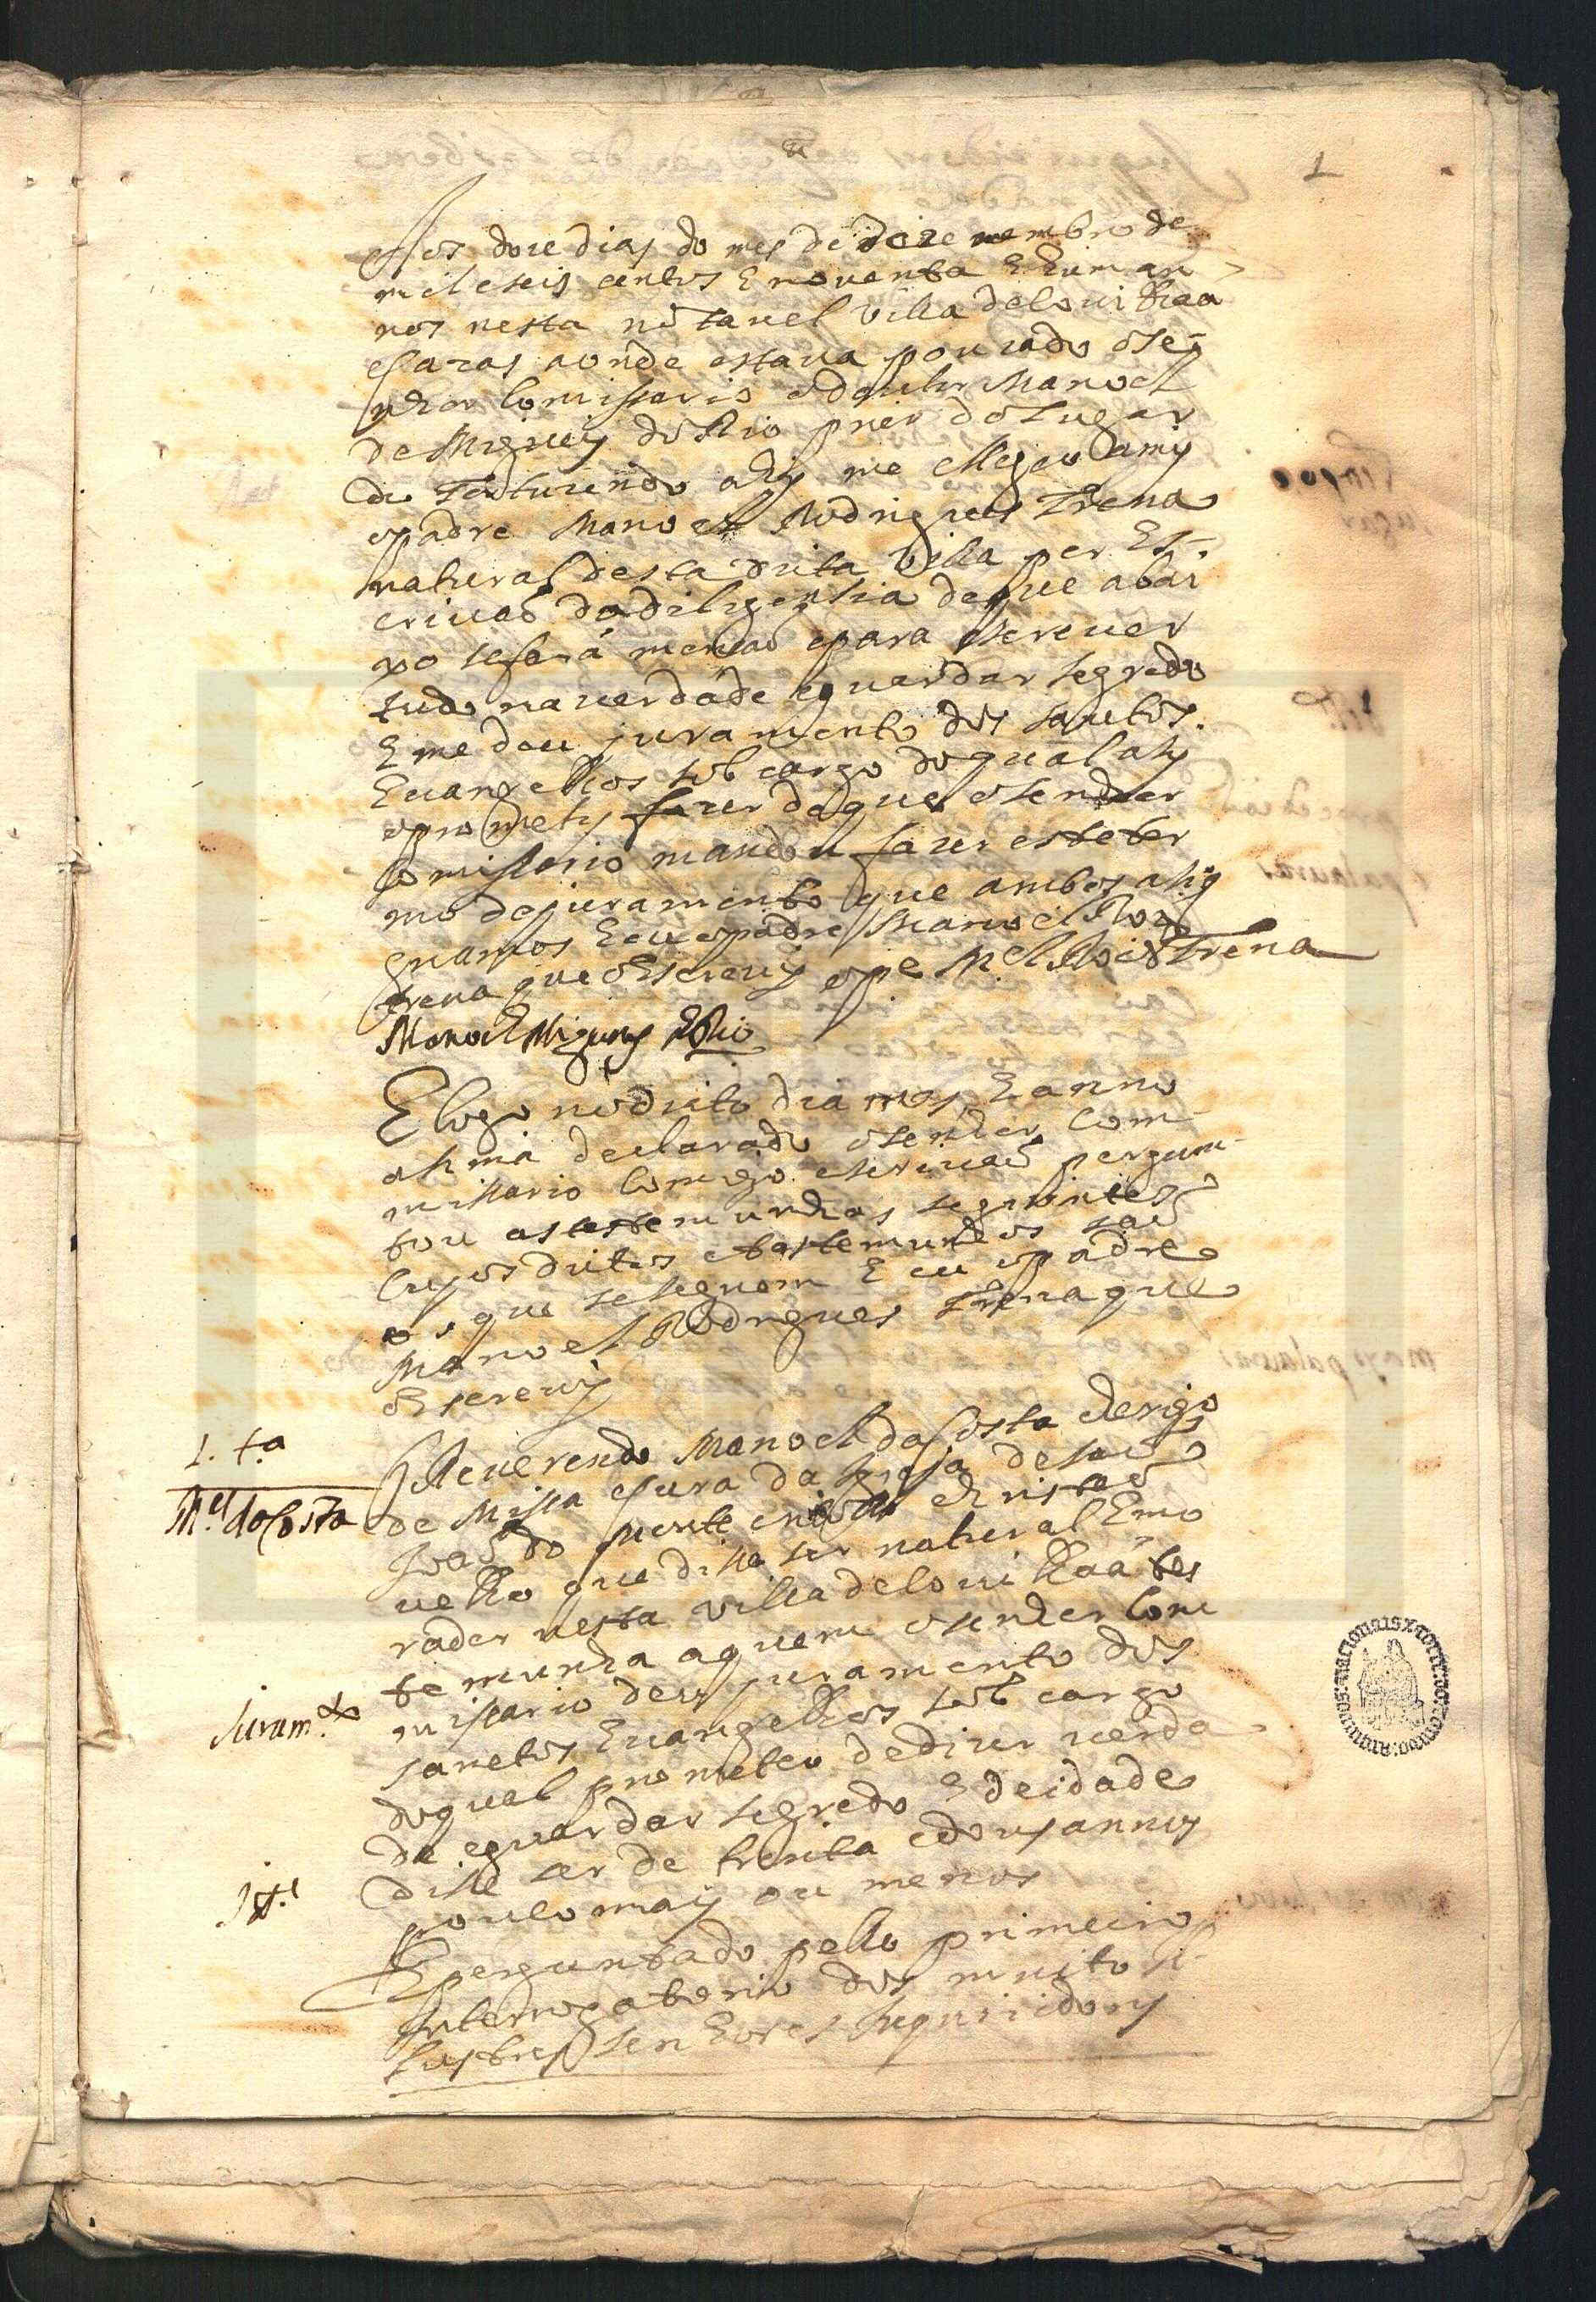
1. t.a
M.el da Costa
Iuram.to
Id̄.e
Aos doze dias do mes de dezemembro de
mil e seiscentos E nouenta E hum an
nos nesta notauel villa de couilhaã
e Cazas aonde estaua pouzado o se
nhor comissario o doutor Manoel
de Migueis do Rio prior do Lugar
de Tortuzendo ahy me ellegeo a my
o padre Manoel Rodrigues Trena
natural desta dita villa per Es
criuaõ da diligensia de que abai
xo se fará mençaõ e para escreuer
tudo na uerdade e guardar segredo
E me deu juramento dos sanctos
Euangelhos sob cargo do qual asy
o promety fazer do que o senhor
comissario mandou fazer este ter
mo de juramento que ambos asig
namos E eu o padre Manoel Roiz̄
trena que o Escreuj o p.e M.el Rois Trena
Manoel Miguens d̄ Rio
E logo no dicto dia mes E anno
asima declarado o senhor com
missario comigo escriuaõ pergun
tou as testemunhas seguintes
cujos dictos e testemunhos saõ
os que se seguem E eu o padre
Manoel Rodrigues Trena que
o Escreuy
O Reuerendo Manoel da Costa clerigo
de Missa e Cura da Igreja de saõ
Joaõ do Monte, e nella christaõ
uelho que disse ser natural E mo
rador nesta villa de Couilhaã tes
temunha a quem o senhor com
missario deu juramento dos
sanctos Euangelhos sob cargo
do qual prometeo de dizer uerda
de e guardar segredo E de idade
disse ser de trinta e dous annos
pouco mais ou menos
E perguntado pello primeiro
Jnterrogatorio dos muito Il
lustres senhores Inquizidores
